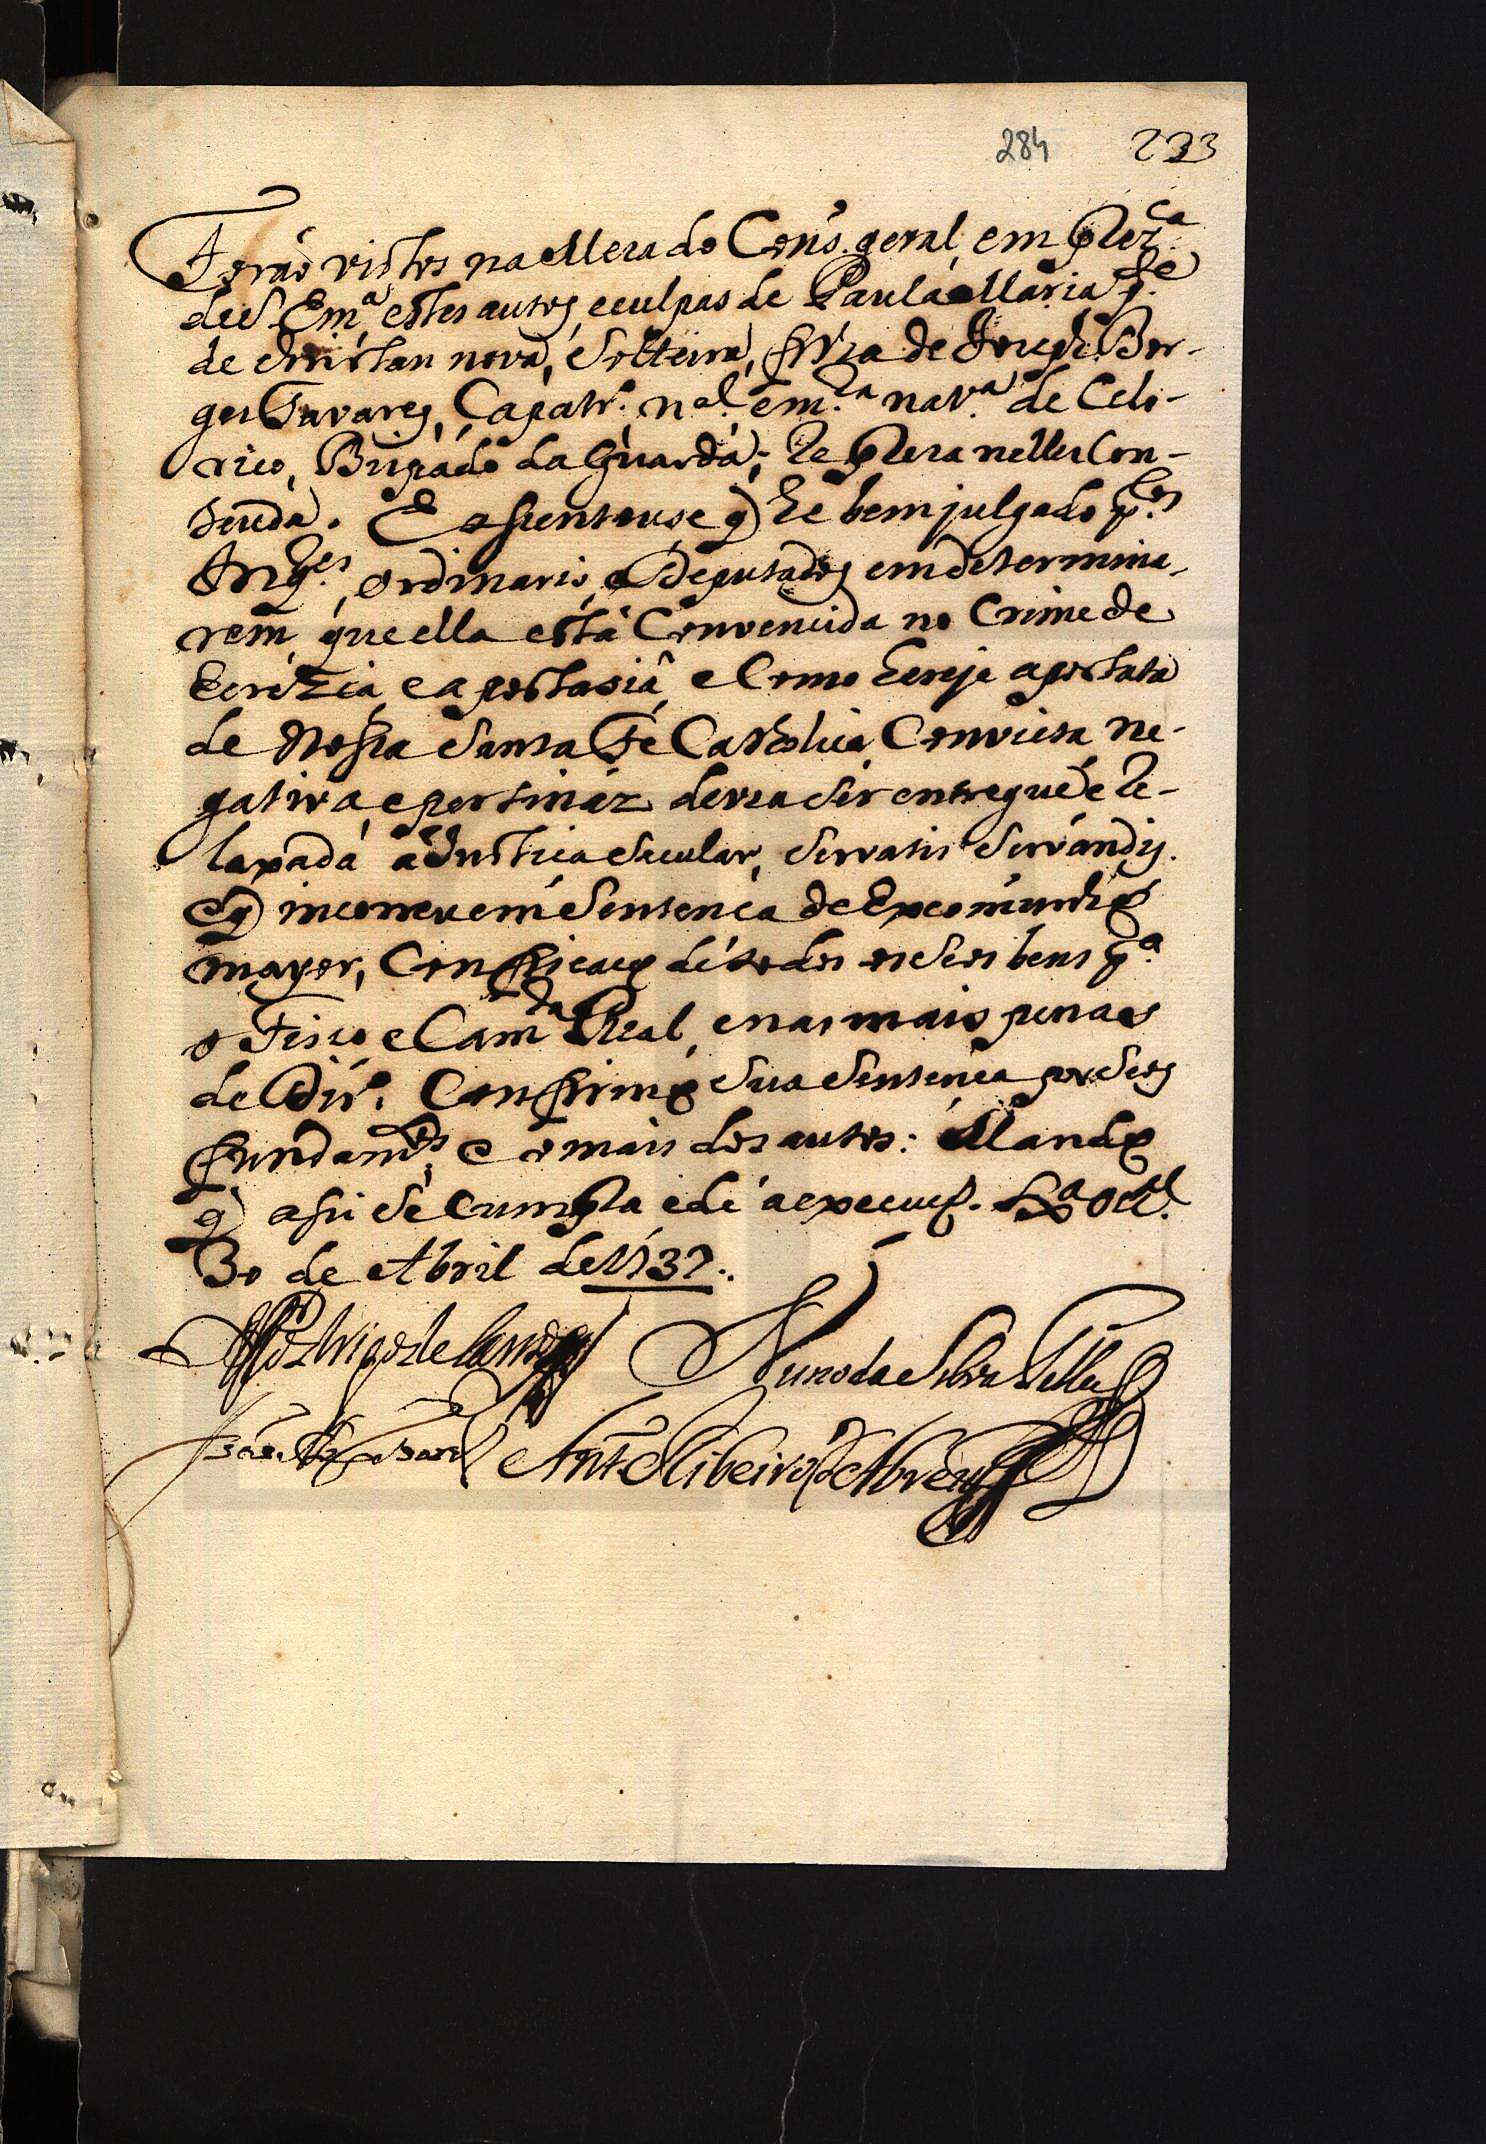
223
Foraõ vistos na Meza do Cons̄. geral, em prez.ca
de S. Em.a, estes autos, e culpas de Paula Maria p.te
de christan nova, Solteira, filha de Iozeph Bor
ges Tavares, Çapatr.o n.al e m.Ra na v.a de Celo
rico, Bispado da Guarda; Ré preza nelles Con
teuda. E assentouse q̄ he bem julgado p.los
Inq.Res, ordinario, e Deputados em determina
rem que ella está Convencida no Crime de
hereZia e apostasia, e Como hereje apostata
de Nossa santa Fé Catholica, Convicta ne
gativa, e pertinaz devia ser entregue, e Re
laxada a Iustiça Secular, Servatis Servandis
e q̄ incorreu em Sentença de Excom̄unhaõ
mayor, Confiscaçaõ de todos os Seos bens p.a
o Fisco e Cam.ra Real, e nas mais penas
de Dir.o Confirmaõ Sua Sentença por Seos
fundam.tos e o mais dos autos: Mando
q̄ assi se cumpra e dé execuçaõ. Lxa occ.al
30 de Abril de 1737.
Rodrigo de lanco
Nuno da Silva Telles
Jozé Alz Soares
Ant.o Ribeiro de Abreu
